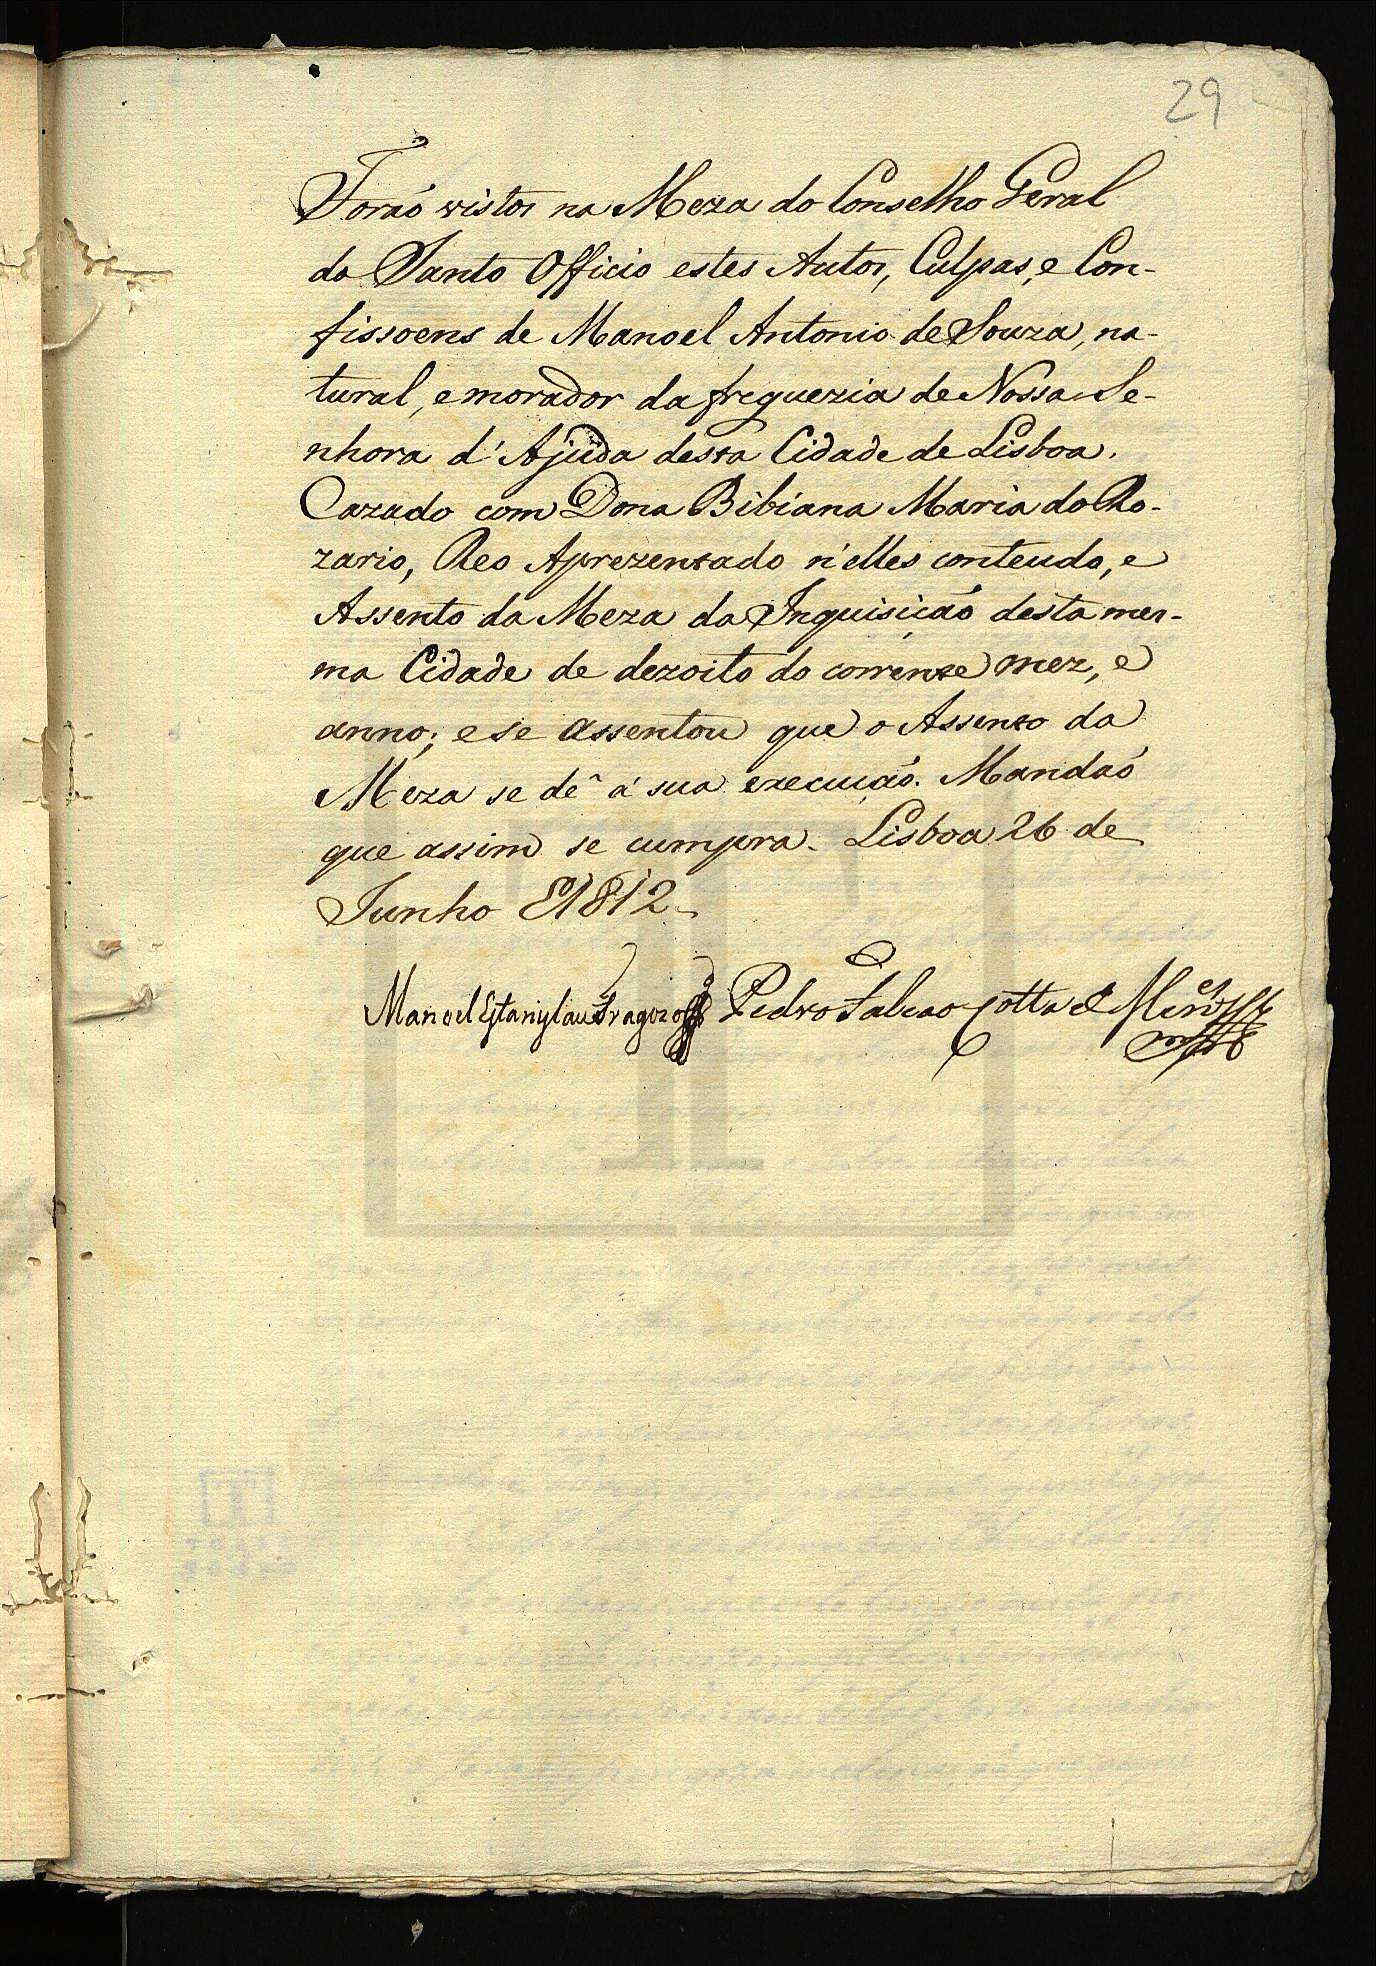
Foraõ vistos na Meza do Conselho Geral
do Santo Officio estes Autos, Culpas, e Con
fissoens de Manoel Antonio de Souza, na
tural, e morador da freguezia de Nossa Se
nhora d'Ajuda desta Cidade de Lisboa,
Cazado com Dona Bibiana Maria do Ro
zario, Reo Aprezentado n'elles conteudo, e
Assento da Meza da Inquisiçaõ desta mes
ma Cidade de dezoito do corrente mez, e
anno; e se assentou que o Assento da
Meza se dê á sua execuçaõ. Mandaõ
que assim se cumpra. Lisboa 26 de
Iunho d̄ 1812
Manoel Estanislau Fragozo Pedro Falcao Cotta de Menz.es
